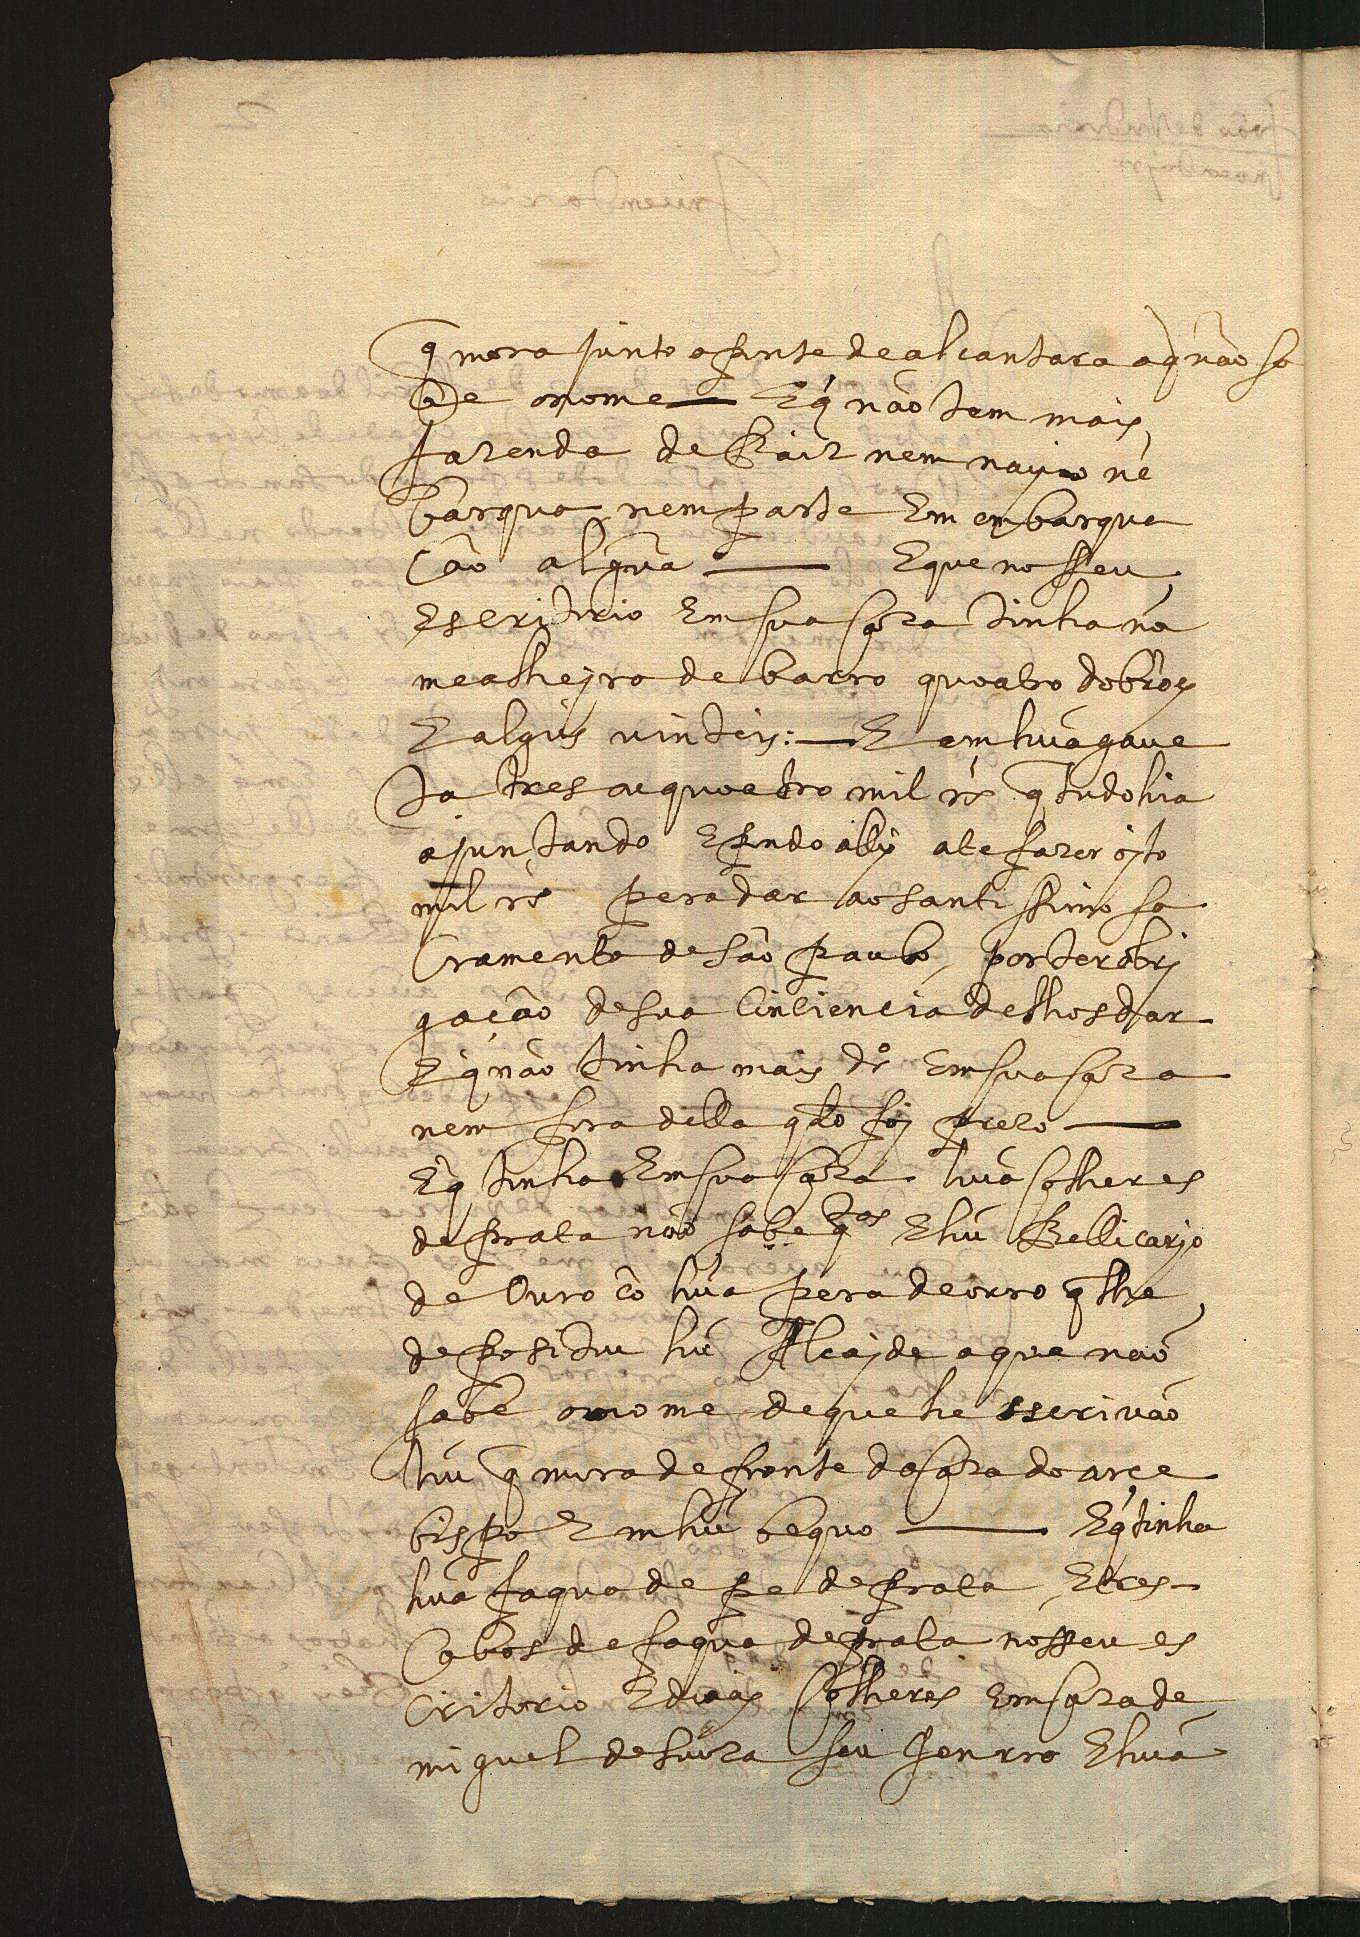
q̄ mora junto a ponte de alcantara a q̄ não sa
be o nome E q̄ não tem mais
fazenda de Raiz nem naujo nē
barqua nem parte Em embarqua
caõ algūa E que no sseu
Escritorio Em sua Caza tinha no
mealhejro de barro quoatro dobrões
E algus̄ uinteis
E em huā gaue
ta tres ou quoatro mil rs̄ q̄ tudo hia
ajuntando E pondo ally ate fazer ojto
mil rs̄ pera dar ao santissimo sa
Cramento de saõ paulo, por ter obrj
gação de sua conciencia de lhos dar
E q̄ não tinha mais dro em sua Caza
nem fora della qd̄o foj prezo
E q̄ tinha Em sua Caza huā Colheres
de prata nãoaõ sabe qatos E hū Rellicarjo
de Ouro cō huā pera de ouro q̄ lhe
depositou hū Alcajde a que naõ
sabe o nome de que he Escriuaõ
hū q̄ mora defronte da Caza do arce
bispo Em hū bequo
E q̄ tinha
huā faqua de pe de prata, E tres
Cabos de faqua de prata no sseu es
critorio E duas Colheres Em Caza de
miguel de Souza seu Jenrro E huā
